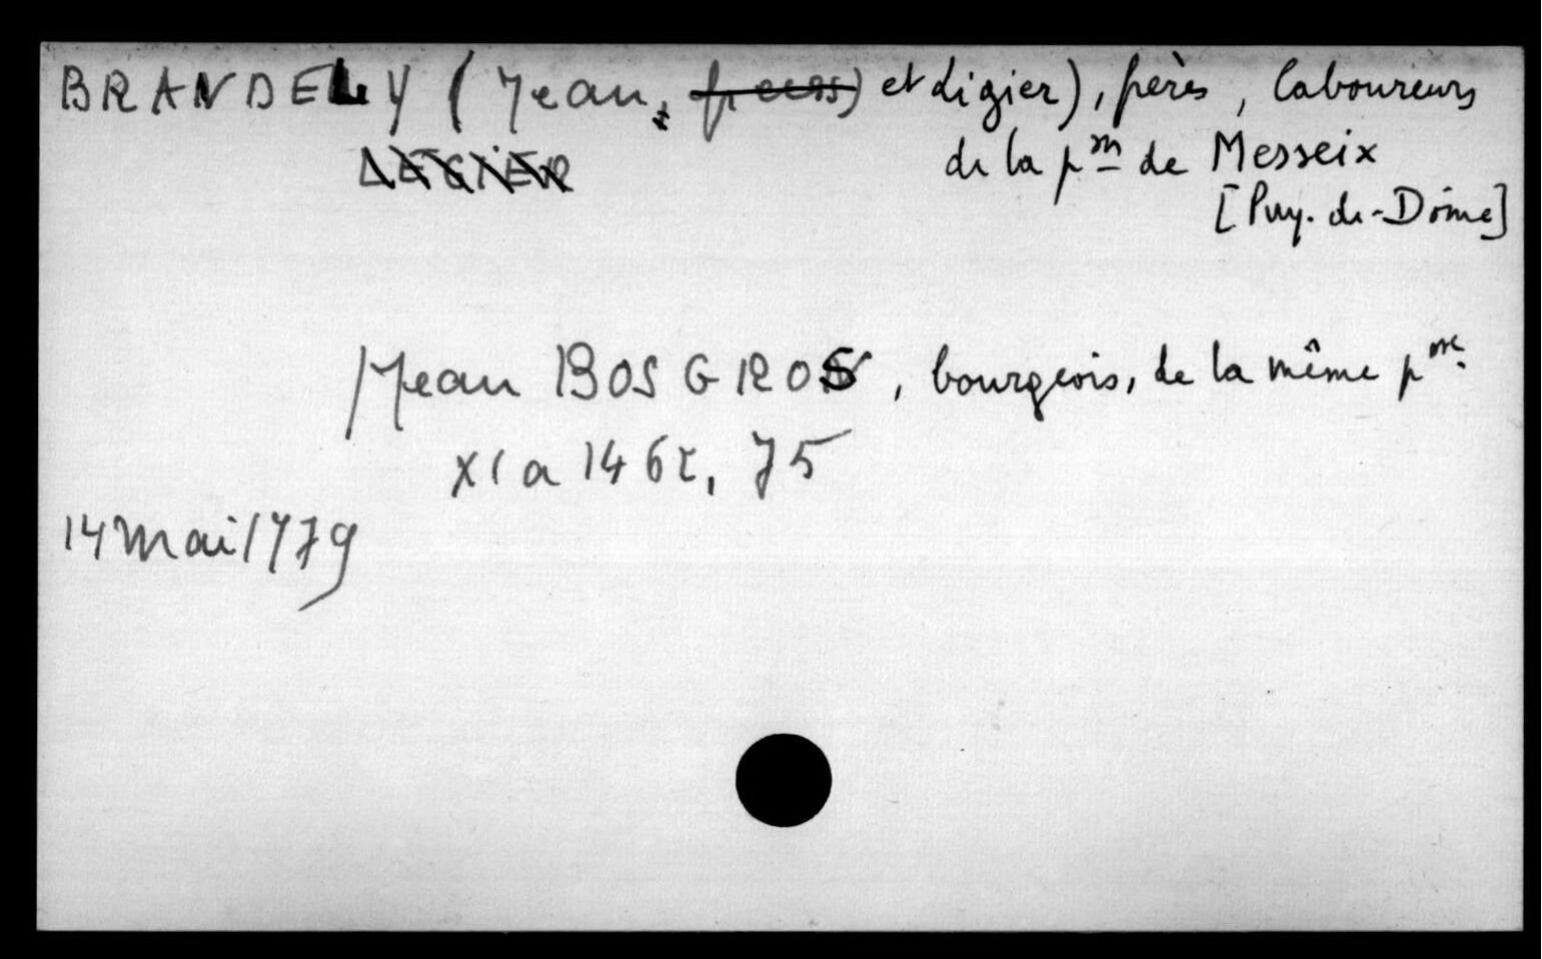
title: BRANDELEY (Jean et Ligier), pères, laboureurs de la paroisse de Messeix [Puy-de-Dôme]
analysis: Contre Jean BOSGROS, bourgeois, de la mime paroisse
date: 14 mai 1779
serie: X1a
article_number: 1462
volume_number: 75
